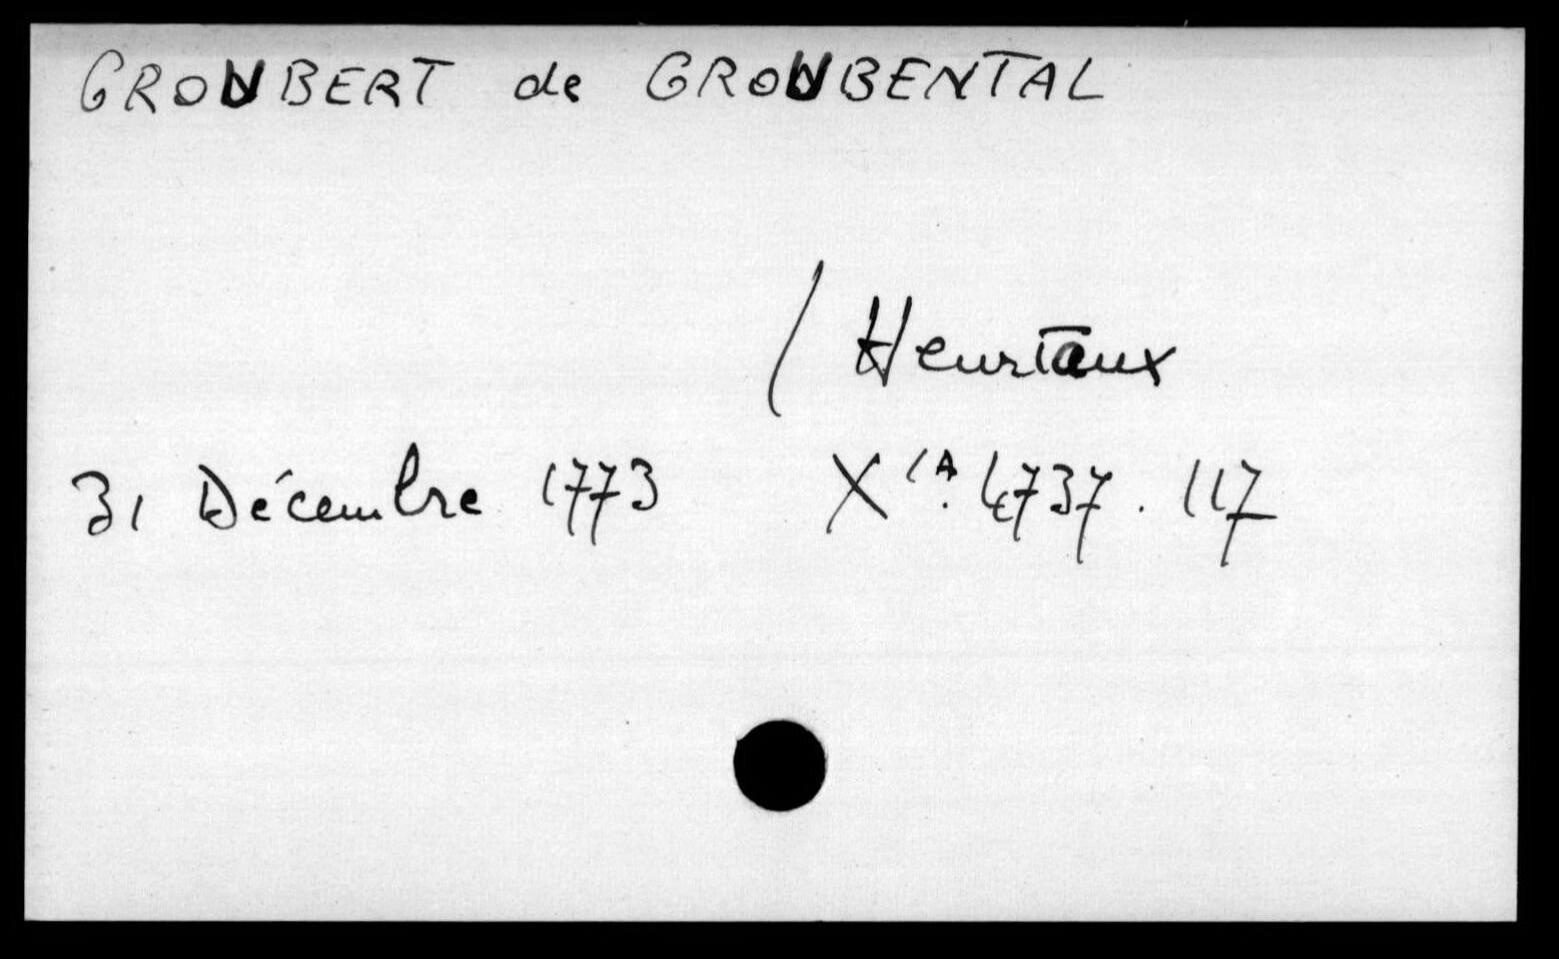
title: GROUBERT de GROUBENTAL
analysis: Contre Heurtaux
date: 31 décembre 1773
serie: X1A
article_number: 4737
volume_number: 117
